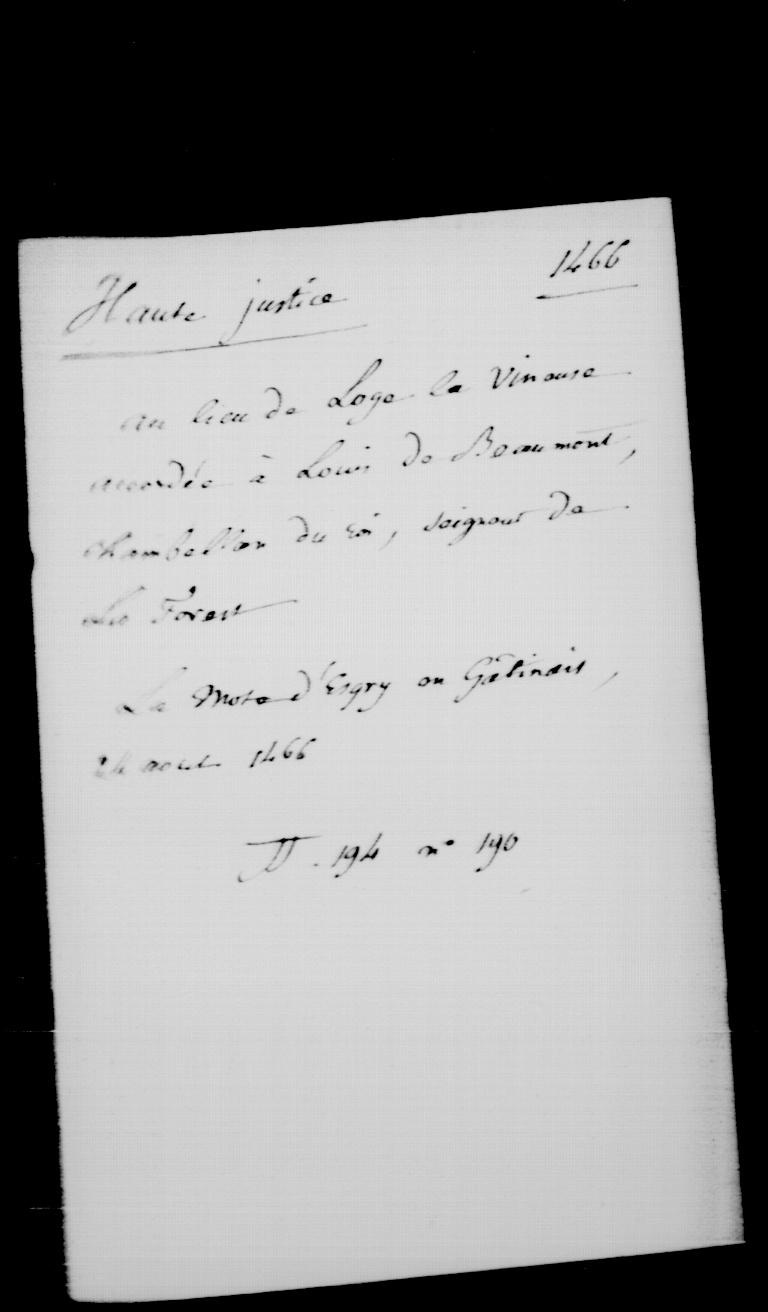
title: Haute justice
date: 1466
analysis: au lieu de loge la Vineuse accordée à Louis de Beaumont, chambellan du roi, seigneur de La Forest La Mote d’Esgry en Gâtinais 24 août 1466
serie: JJ
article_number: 194
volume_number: n° 190
